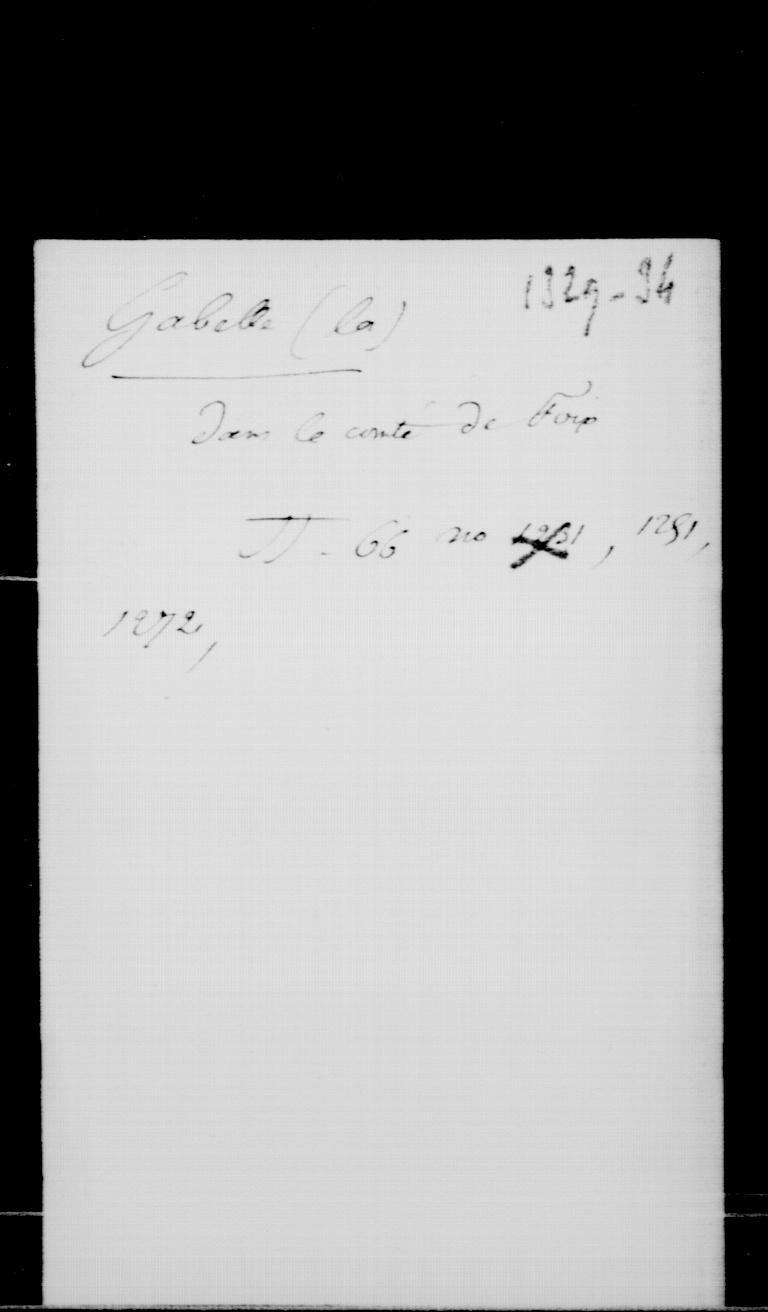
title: Gabelle (la)
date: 1329-1334
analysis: Dans le comté de Foix
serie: JJ
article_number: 66
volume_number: n° 1251, 1272
